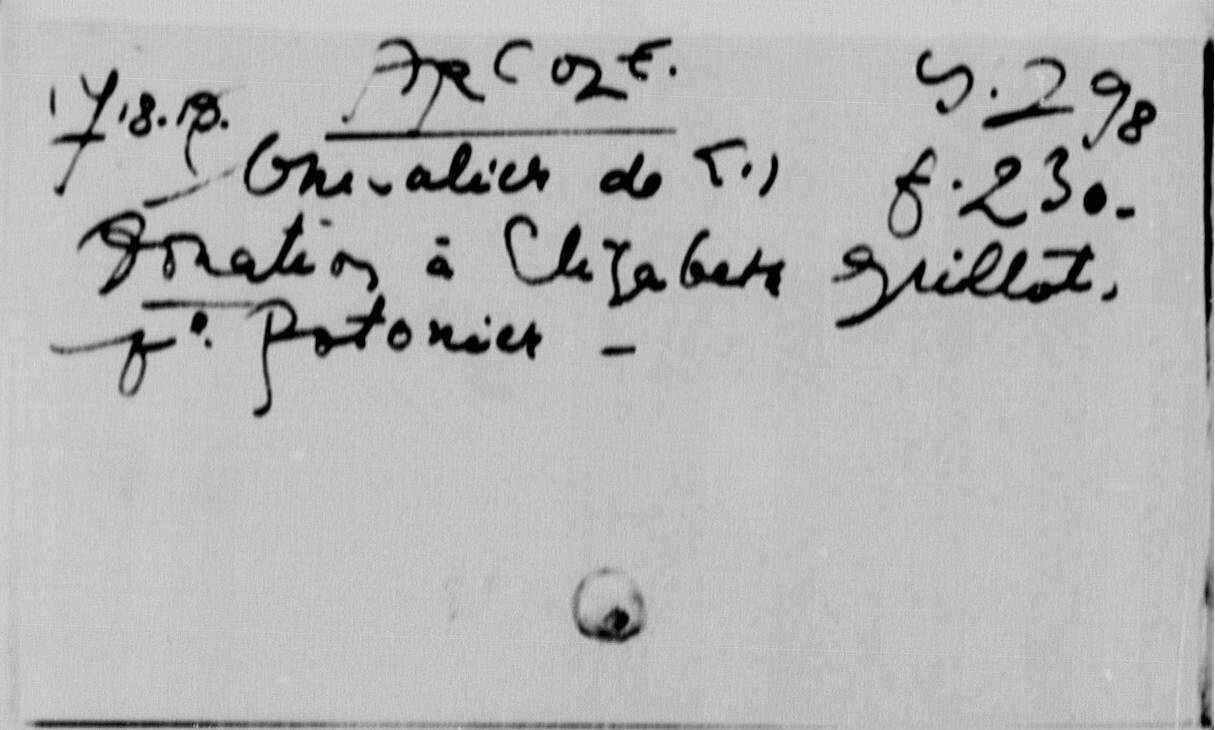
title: ARCOLE (chevalier de l')
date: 1718-1719
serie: Y
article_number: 298
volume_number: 230
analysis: Donation à Elizabeth GRILLOT, femme POTONIER.
